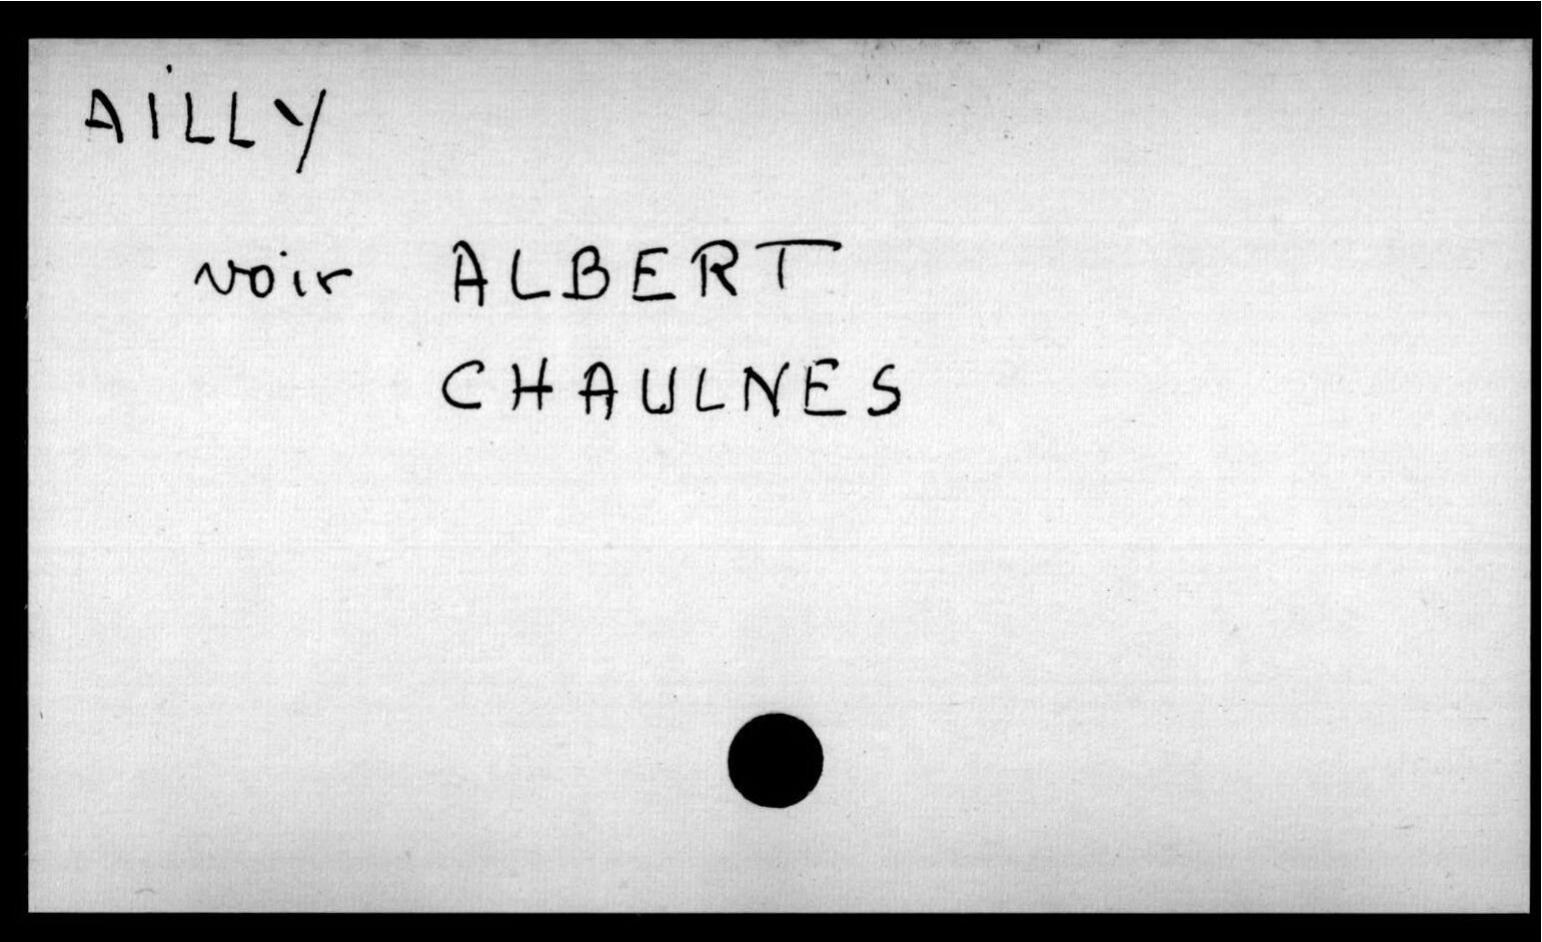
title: AILLY
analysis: Voir ALBERT CHAULNES
